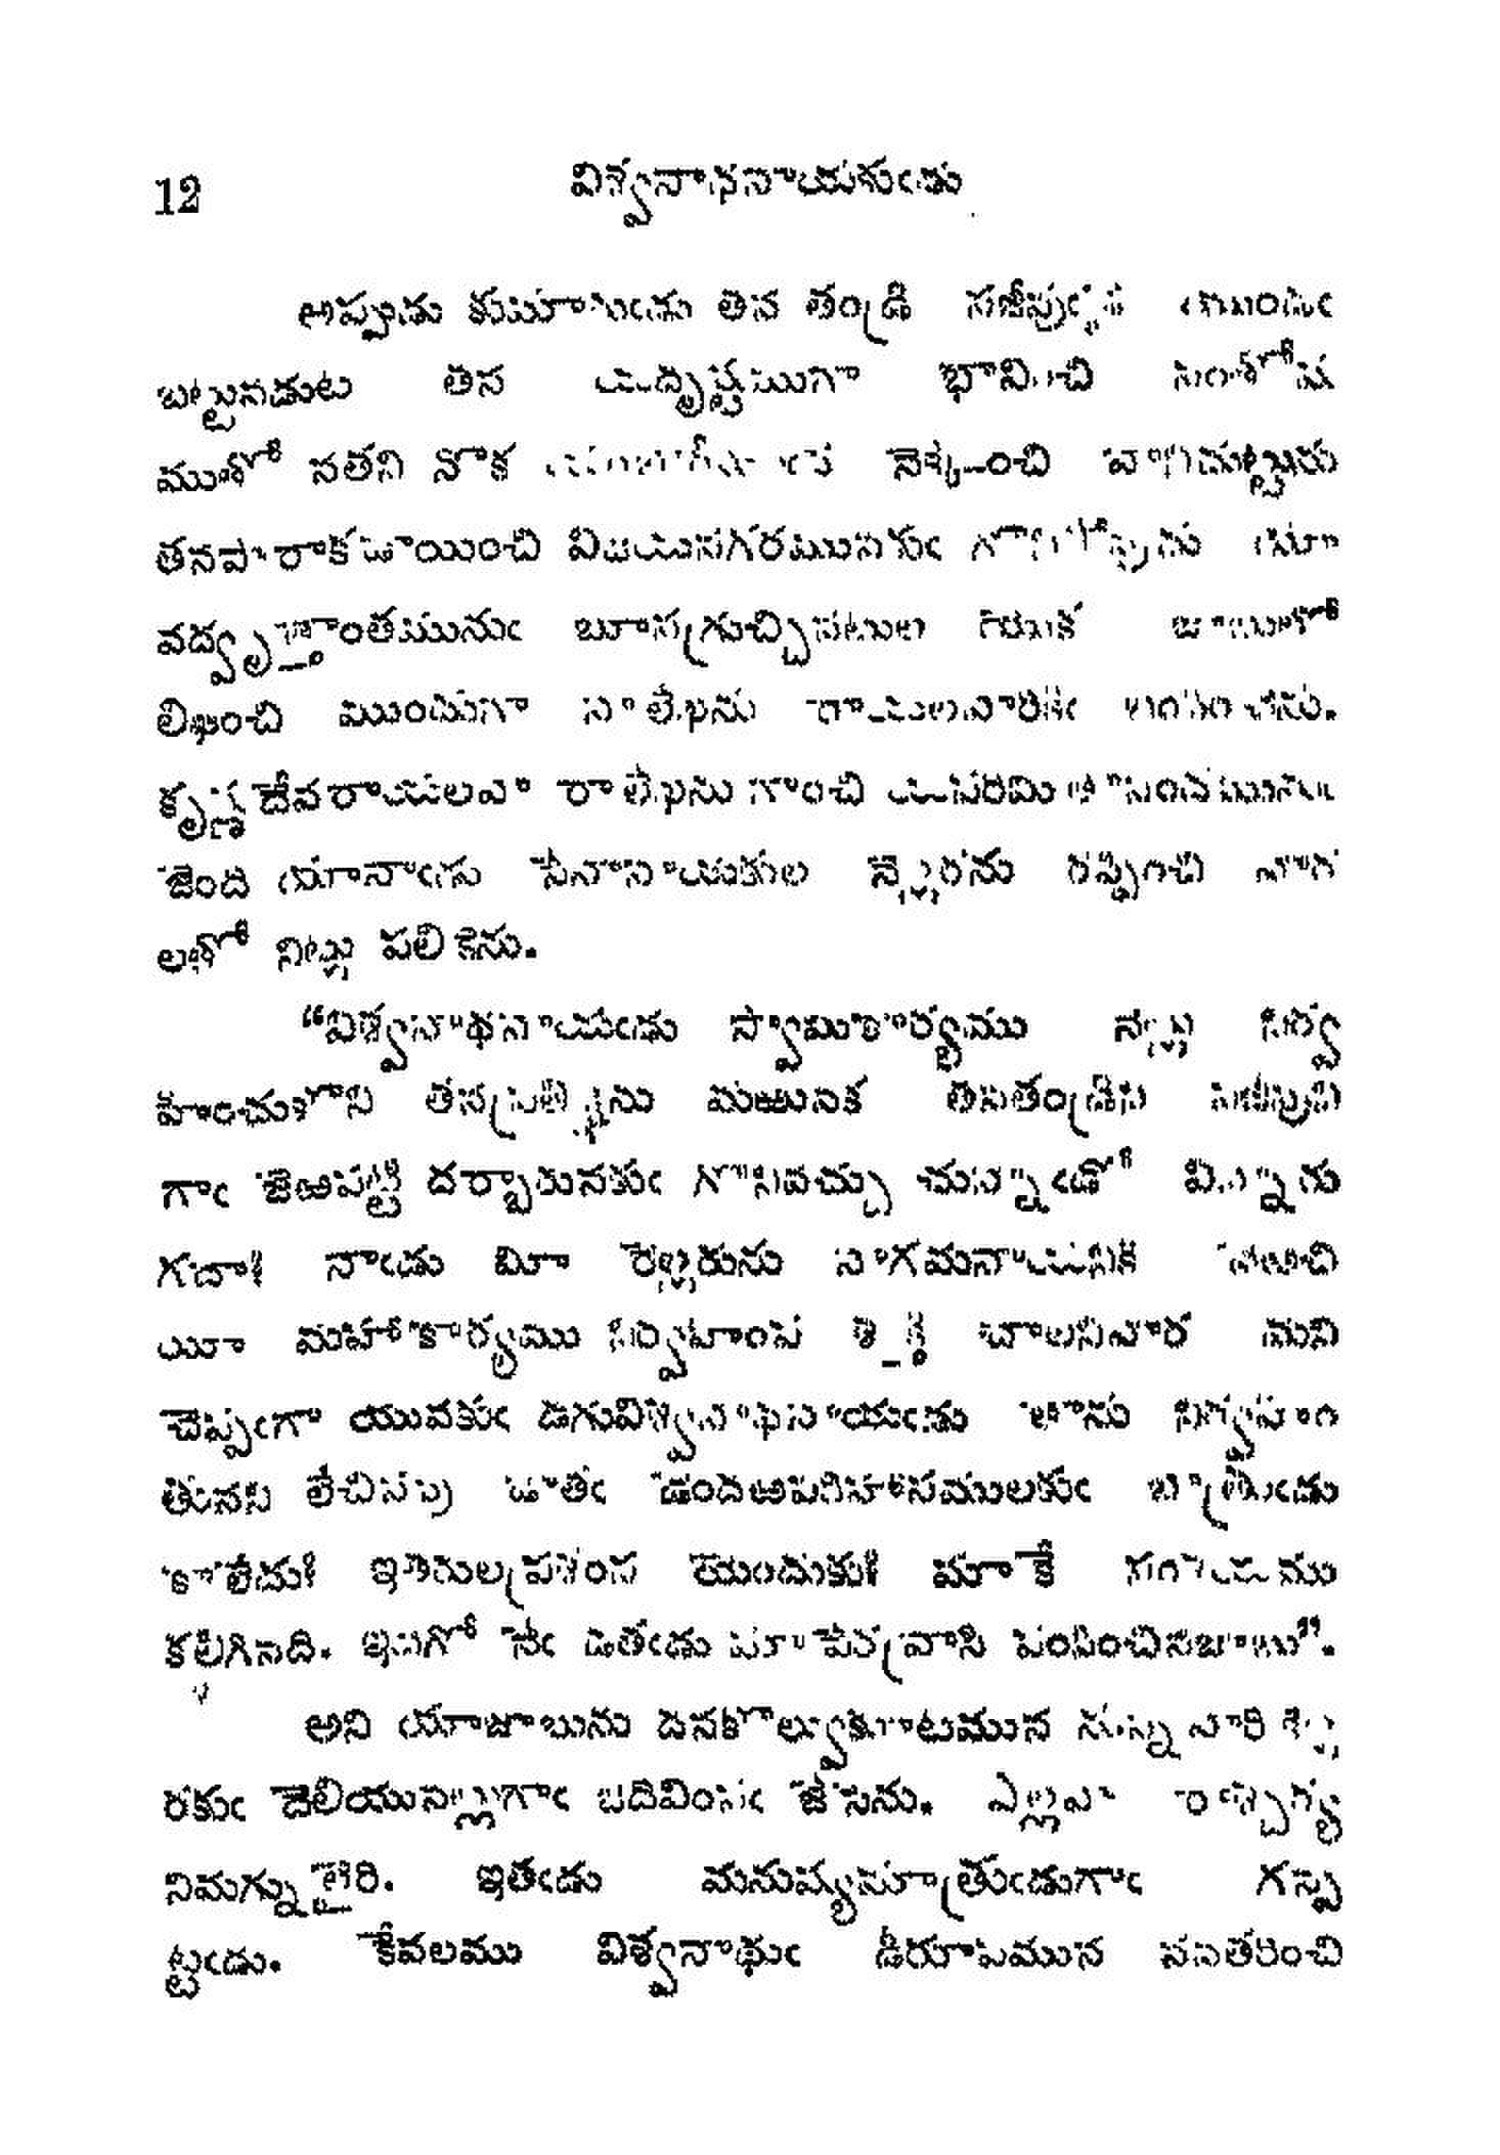అప్పుడు కుమారుఁడు తన తండ్రి సజీవుఁడై యుండఁ బట్టువడుట తన యదృష్టముగా భావించి సంతోషముతో నతని నొక యంబారీమీఁద నెక్కించి వానిచుట్టును తనపారాకడాయించి విజయనగరమునకుఁ గొనిపోవుచు యావద్వృత్తాంతమునుఁ బూసగ్రుచ్చినటుల యొక జాబులో లిఖించి ముందుగా నాలేఖను రాయలవారికిఁ బంపించెను. కృష్ణదేవరాయలవా రాలేఖను గాంచి యపరిమితానందమునుఁ జెంది యానాఁడు సేనానాయకుల నెల్లరను రప్పించి వారలతో నిట్లు పలికెను.

"విశ్వనాథనాయఁడు స్వామికార్యము నెట్లు నిర్వహించుకొని తనప్రతిజ్ఞను మఱువక తనతండ్రిని సజ్జివునిగాఁ జెఱపట్టి దర్బారునకుఁ గొనివచ్చు చున్నాఁడో విన్నారు గదా? నాఁడు మీ రెల్లరును నాగమనాయనికి వెఱచి యీ మహాకార్యము నిర్వహింప శక్తి చాలనివార మని చెప్పఁగా యువకుఁ డగువిశ్వనాథనాయఁడు తాను నిర్వహింతునని లేచినపు డాతఁ డెందఱపరిహాసములకుఁ బాత్రుఁడు కాలేదు? ఇతరులప్రశంస యెందుకు? మాకే సంశయము కలిగినది. ఇదిగో నేఁ డతఁడు మాపేరవ్రాసి పంపించినజాబు".

అని యాజాబును దనకొల్వుకూటమున నున్న వారి కెల్లరకుఁ దెలియునట్లుగాఁ జదివింపఁ జేసెను. ఎల్లవా రాశ్చర్య నిమగ్నులైరి. ఇతఁడు మనుష్యమాత్రుఁడుగాఁ గన్పట్టఁడు. కేవలము విశ్వనాథుఁ డీరూపమున నవతరించి